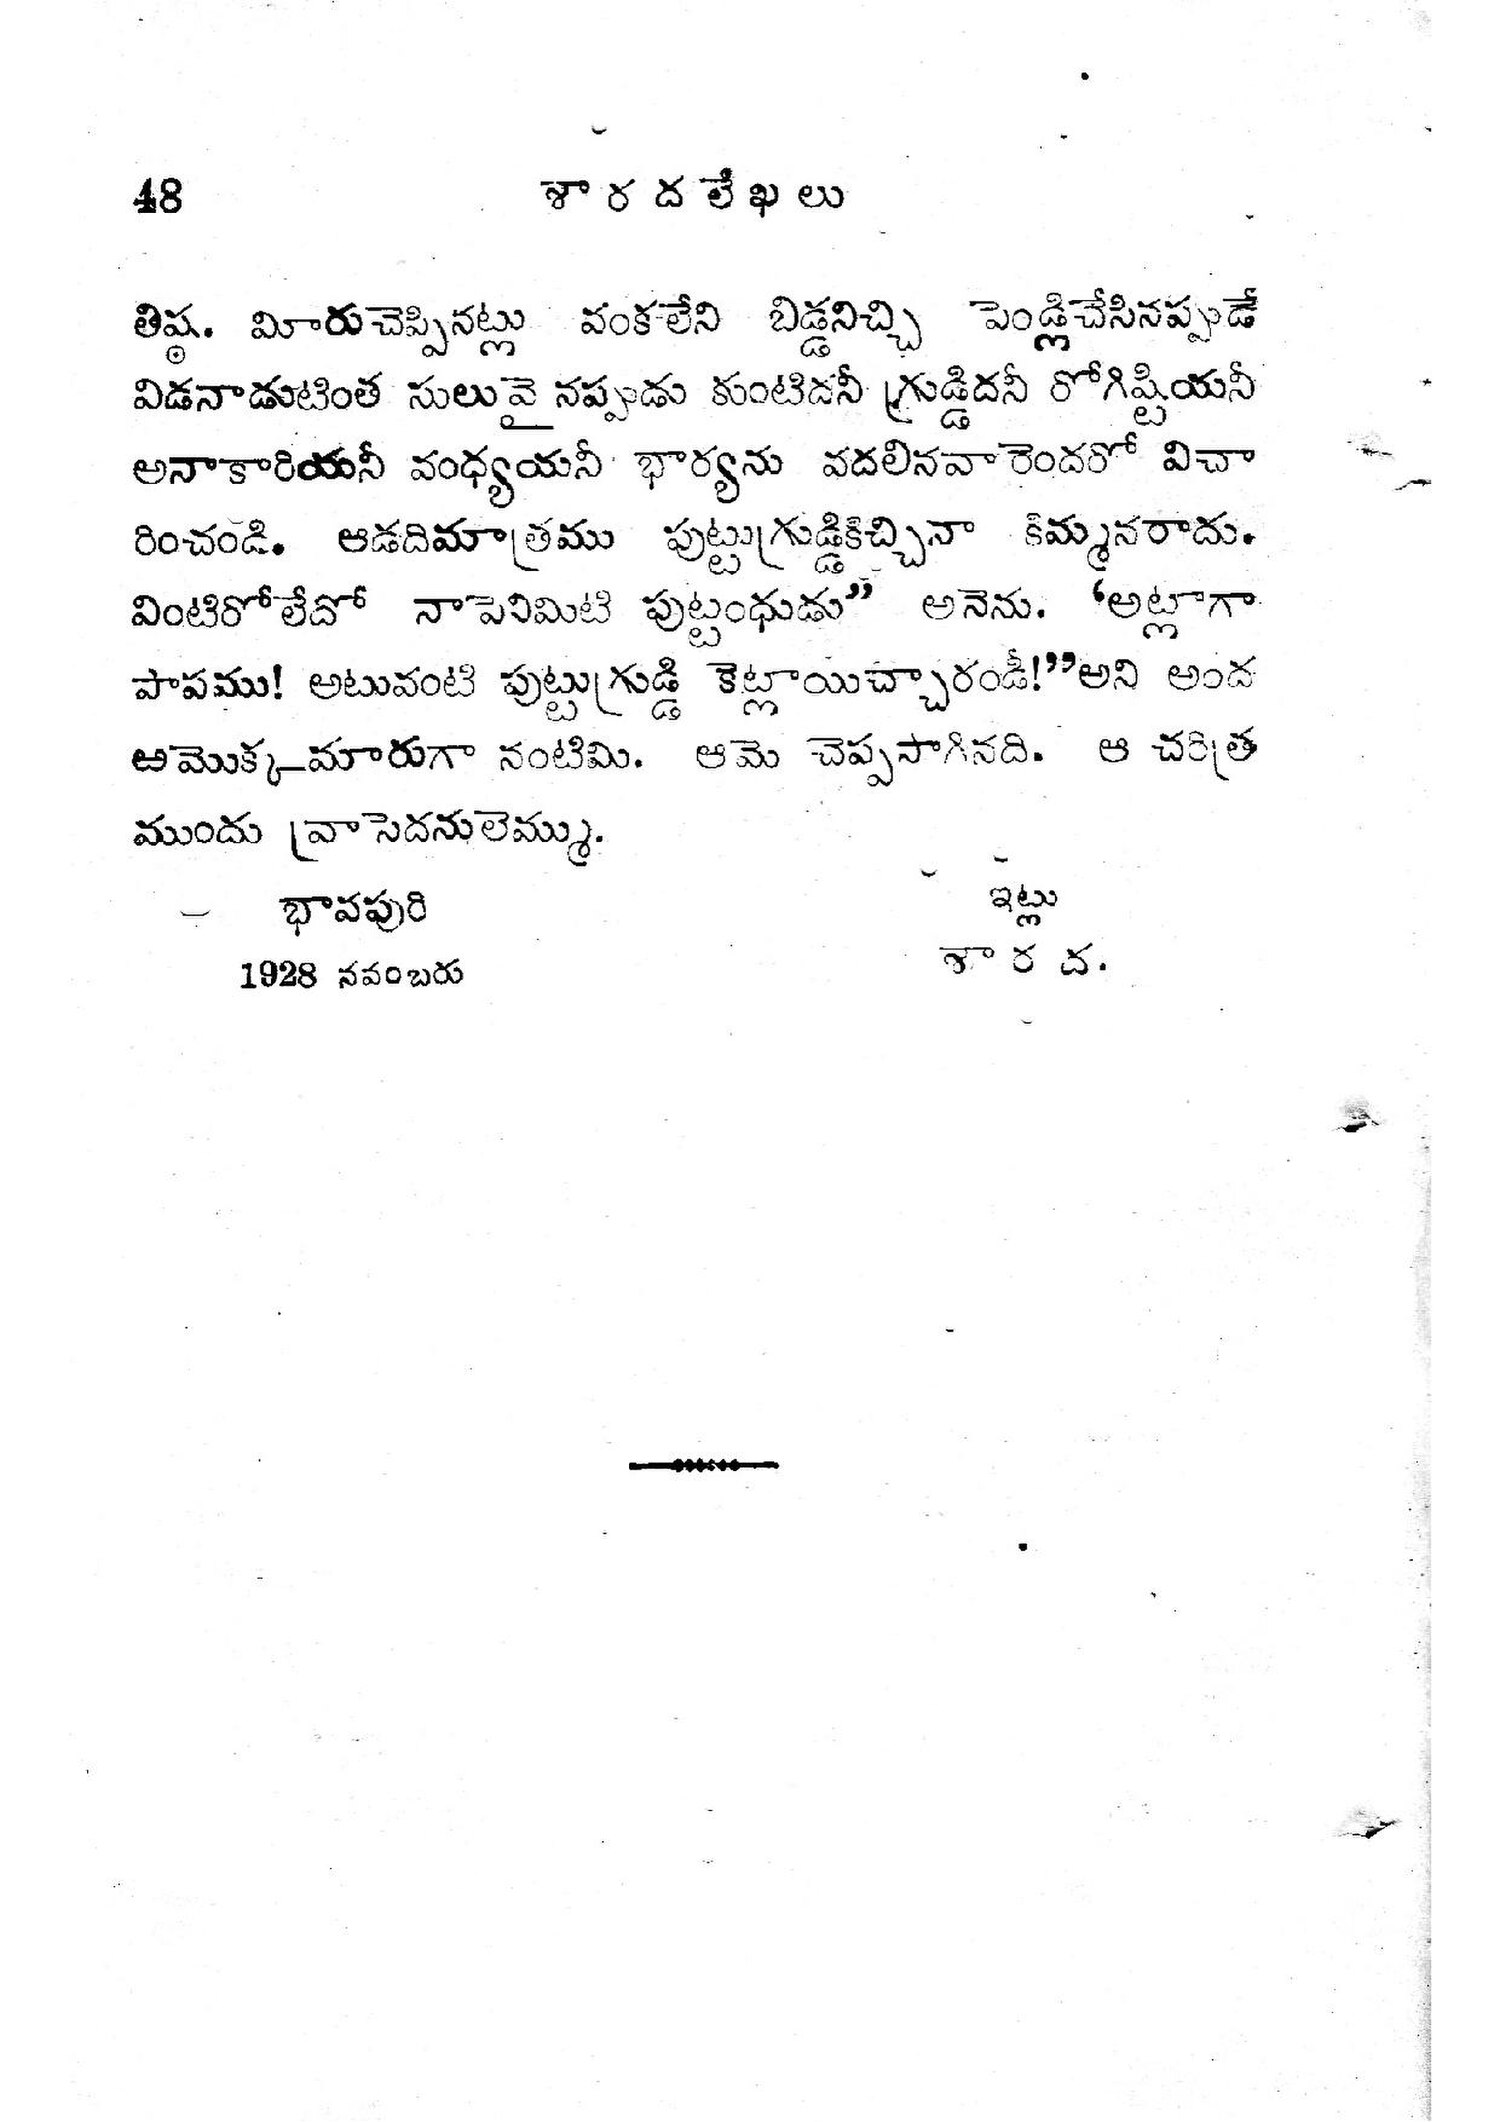తిష్ఠ. మీరుచెప్పినట్లు వంకలేని బిడ్డనిచ్చి పెండ్లిచేసినప్పుడే విడనాడుటింత సులువైనప్పుడు కుంటిదనీ గ్రుడ్డిదనీ రోగిష్టియనీ అనాకారియనీ వంధ్యయనీ భార్యను వదలినవారెందరో విచారించండి. ఆడదిమాత్రము పుట్టుగ్రుడ్డికిచ్చినా కిమ్మనరాదు. వింటిరోలేదో నాపెనిమిటి పుట్టంధుడు" అనెను. “అట్లాగా పాపము! అటువంటి పుట్టుగ్రుడ్డి కెట్లాయిచ్చారండీ!” అని అందఱమొక్కమారుగా నంటిమి. ఆమె చెప్పసాగినది. ఆ చరిత్ర ముందు వ్రాసెదనులెమ్ము.